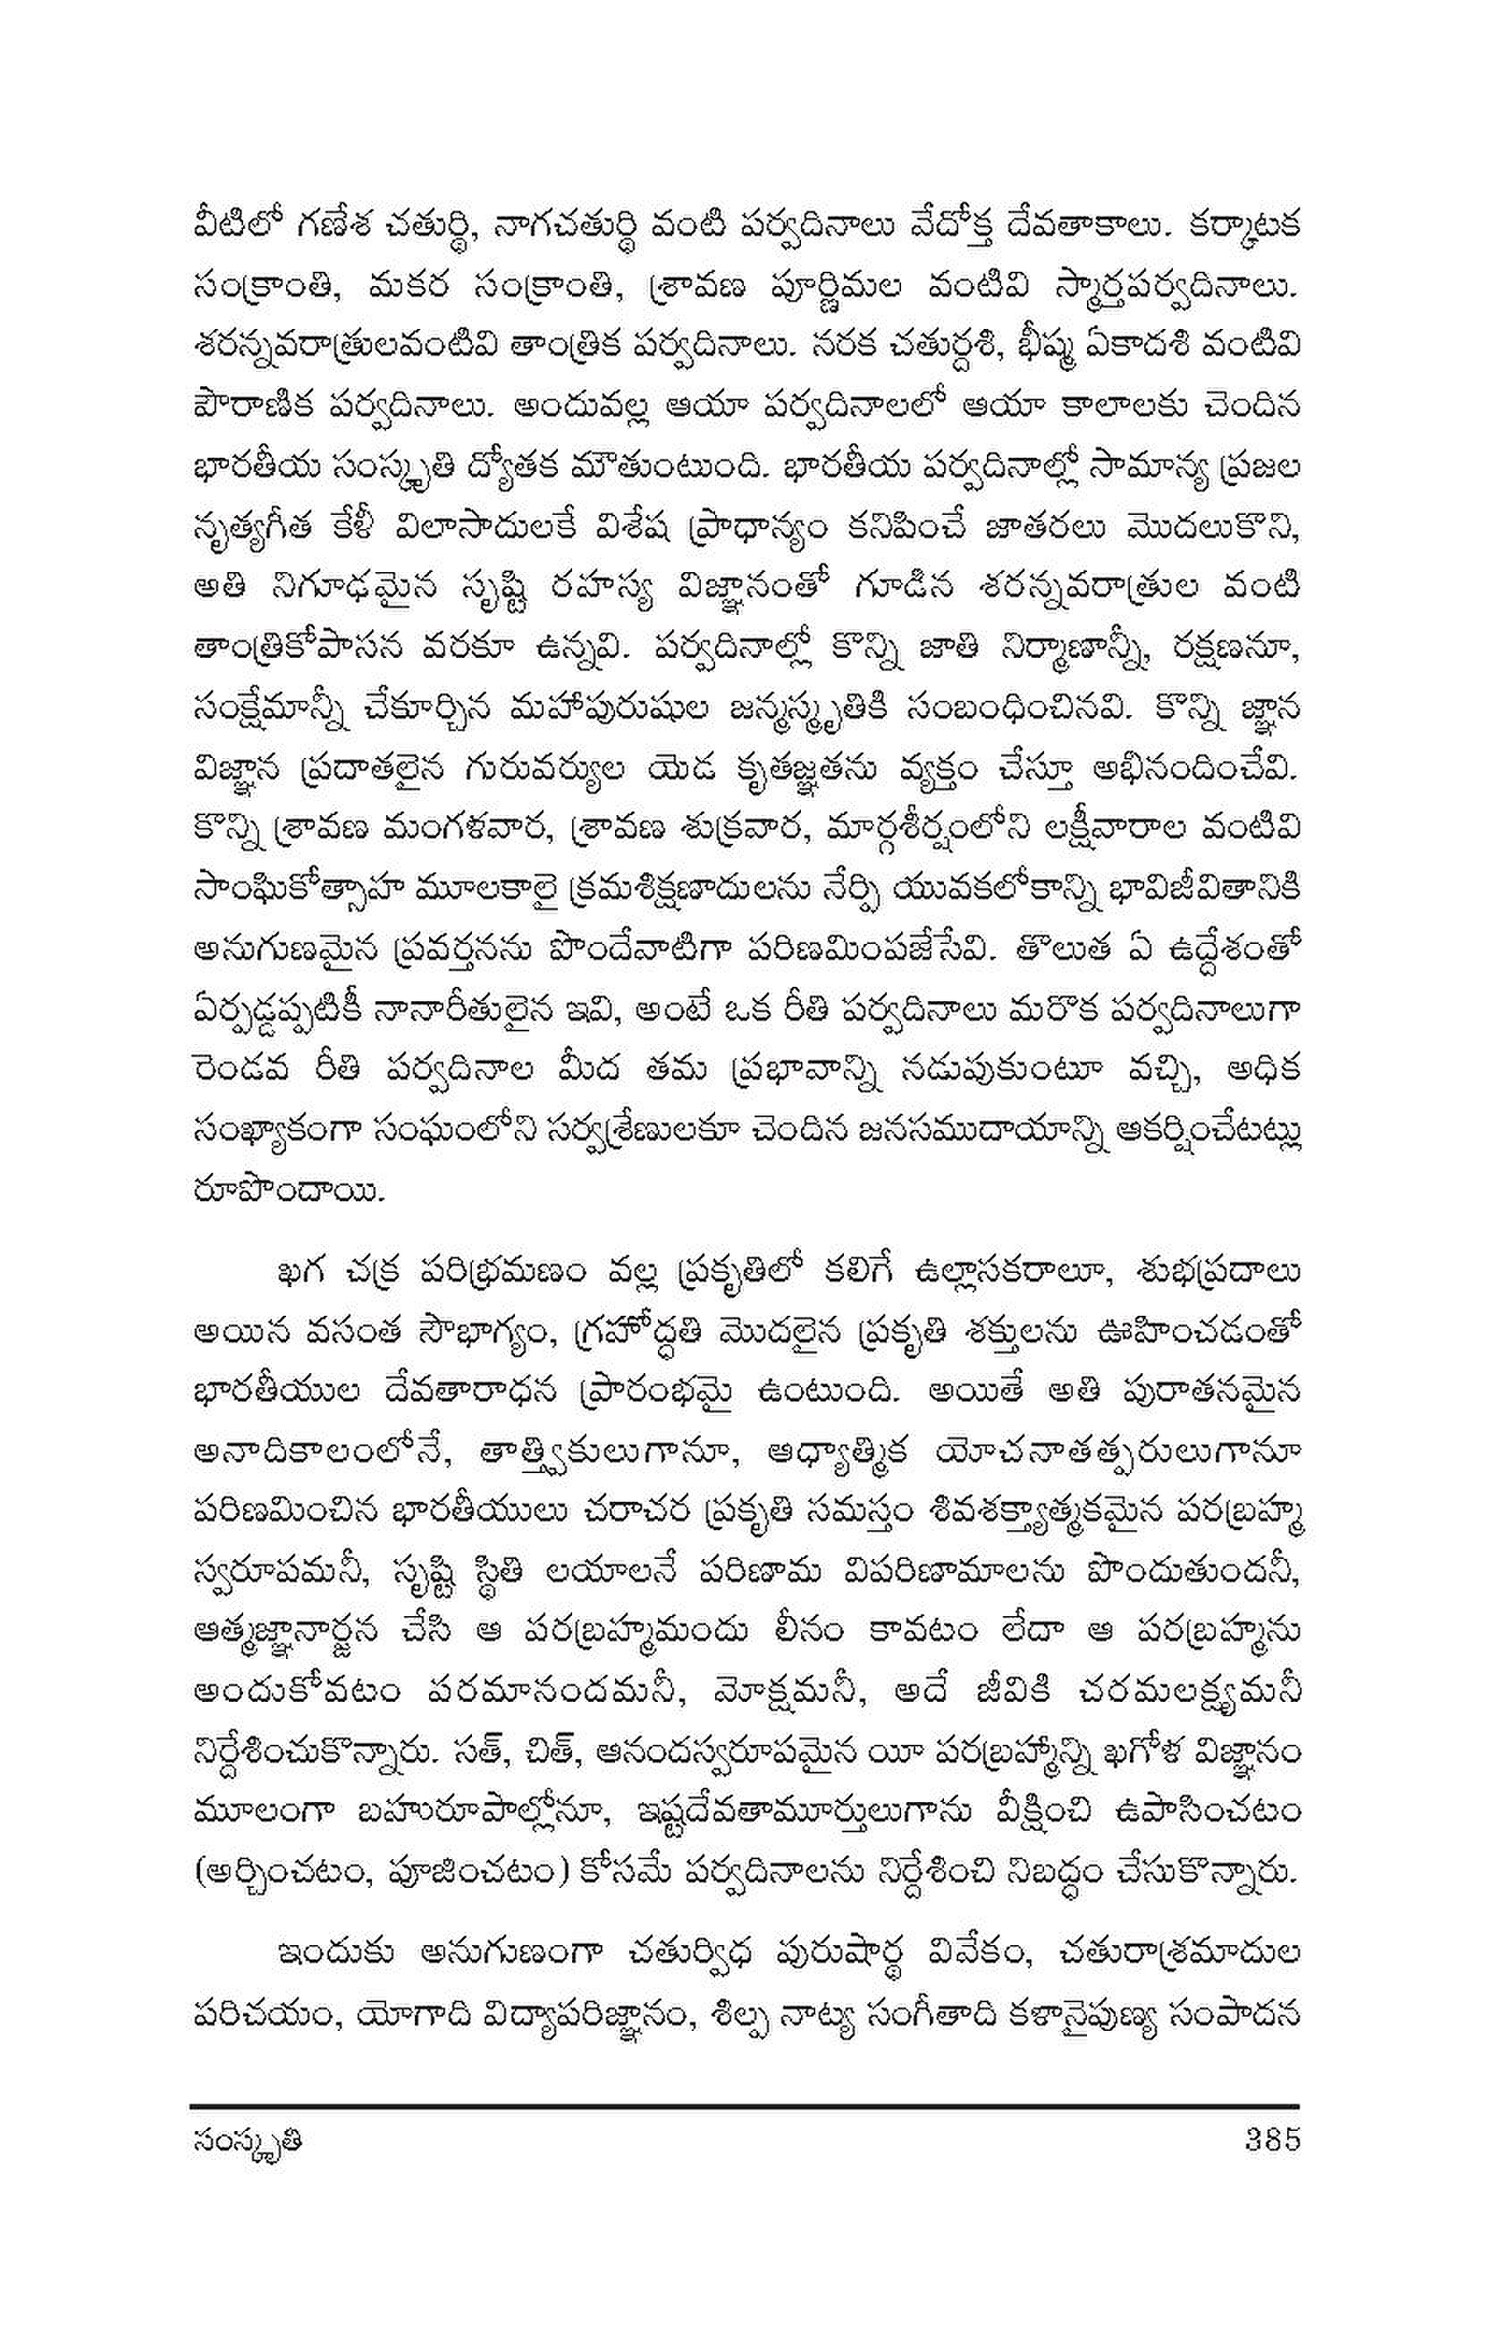వీటిలో గణేశ చతుర్థి, నాగచతుర్థి వంటి పర్వదినాలు వేదోక్త దేవతాకాలు. కర్కాటక
సంక్రాంతి, మకర సంక్రాంతి, శ్రావణ పూర్ణిమలు వంటివి స్మార్తపర్వదినాలు.
శరన్నవరాత్రులవంటివి తాంత్రిక పర్వదినాలు. నరక చతుర్దశి, భీష్మ ఏకాదశి వంటివి
పౌరాణిక పర్వదినాలు. అందువల్ల ఆయా పర్వదినాలలో ఆయా కాలాలకు చెందిన
భారతీయ సంస్కృతి ద్యోతక మౌతుంటుంది. భారతీయ పర్వదినాల్లో సామాన్య ప్రజల
నృత్యగీత కేళీ విలాసాదులకే విశేష ప్రాధాన్యం కనిపించే జాతరలు మొదలుకొని,
అతి నిగూఢమైన సృష్టి రహస్య విజ్ఞానంతో గూడిన శరన్నవరాత్రుల వంటి
తాంత్రికోపాసన వరకూ ఉన్నవి. పర్వదినాల్లో కొన్ని జాతి నిర్మాణాన్నీ, రక్షణనూ,
సంక్షేమాన్నీ చేకూర్చిన మహాపురుషుల జన్మస్మృతికి సంబంధించినవి. కొన్ని జ్ఞాన
విజ్ఞాన ప్రదాతలైన గురువర్యుల యెడ కృతజ్ఞతను వ్యక్తం చేస్తూ అభినందించేవి.
కొన్ని శ్రావణ మంగళవార, శ్రావణ శుక్రవార, మార్గశీర్షంలోని లక్షీవారాల వంటివి
సాంఘికోత్సాహ మూలకాలై క్రమశిక్షణాదులను నేర్పి యువకలోకాన్ని భావిజీవితానికి
అనుగుణమైన ప్రవర్తనను పొందేవాటిగా పరిణమింపజేసేవి. తొలుత ఏ ఉద్దేశంతో
ఏర్పడ్డప్పటికీ నానారీతులైన ఇవి, అంటే ఒక రీతి పర్వదినాలు మరొక పర్వదినాలుగా
రెండవ రీతి పర్వదినాల మీద తమ ప్రభావాన్ని నడుపుకుంటూ వచ్చి, అధిక
సంఖ్యాకంగా సంఘంలోని సర్వశ్రేణులకూ చెందిన జనసముదాయాన్ని ఆకర్షించేటట్లు
రూపొందాయి.

ఖగ చక్ర పరిభ్రమణం వల్ల ప్రకృతిలో కలిగే ఉల్లాసకరాలూ, శుభప్రదాలు
అయిన వసంత సౌభాగ్యం, గ్రహోద్ధతి మొదలైన ప్రకృతి శక్తులను ఊహించడంతో
భారతీయుల దేవతారాధన ప్రారంభమై ఉంటుంది. అయితే అతి పురాతనమైన
అనాదికాలంలోనే, తాత్త్వికులుగానూ, ఆధ్యాత్మిక యోచనాతత్పరులుగానూ
పరిణమించిన భారతీయులు చరాచర ప్రకృతి సమస్తం శివశక్త్యాత్మకమైన పరబ్రహ్మ
స్వరూపమనీ, సృష్టి స్థితి లయాలనే పరిణామ విపరిణామాలను పొందుతుందనీ,
ఆత్మజ్ఞానార్జన చేసి ఆ పరబ్రహ్మమందు లీనం కావటం లేదా ఆ పరబ్రహ్మను
అందుకోవటం పరమానందమనీ, మోక్షమనీ, అదే జీవికి చరమలక్ష్యమనీ
నిర్దేశించుకొన్నారు. సత్, చిత్, ఆనందస్వరూపమైన యీ పరబ్రహ్మాన్ని ఖగోళ విజ్ఞానం
మూలంగా బహురూపాల్లోనూ, ఇష్టదేవతామూర్తులుగాను వీక్షించి ఉపాసించటం
(అర్చించటం, పూజించటం) కోసమే పర్వదినాలను నిర్దేశించి నిబద్ధం చేసుకొన్నారు.

ఇందుకు అనుగుణంగా చతుర్విధ పురుషార్థ వివేకం, చతురాశ్రమాదుల
పరిచయం, యోగాది విద్యాపరిజ్ఞానం, శిల్ప నాట్య సంగీతాది కళానైపుణ్య సంపాదన